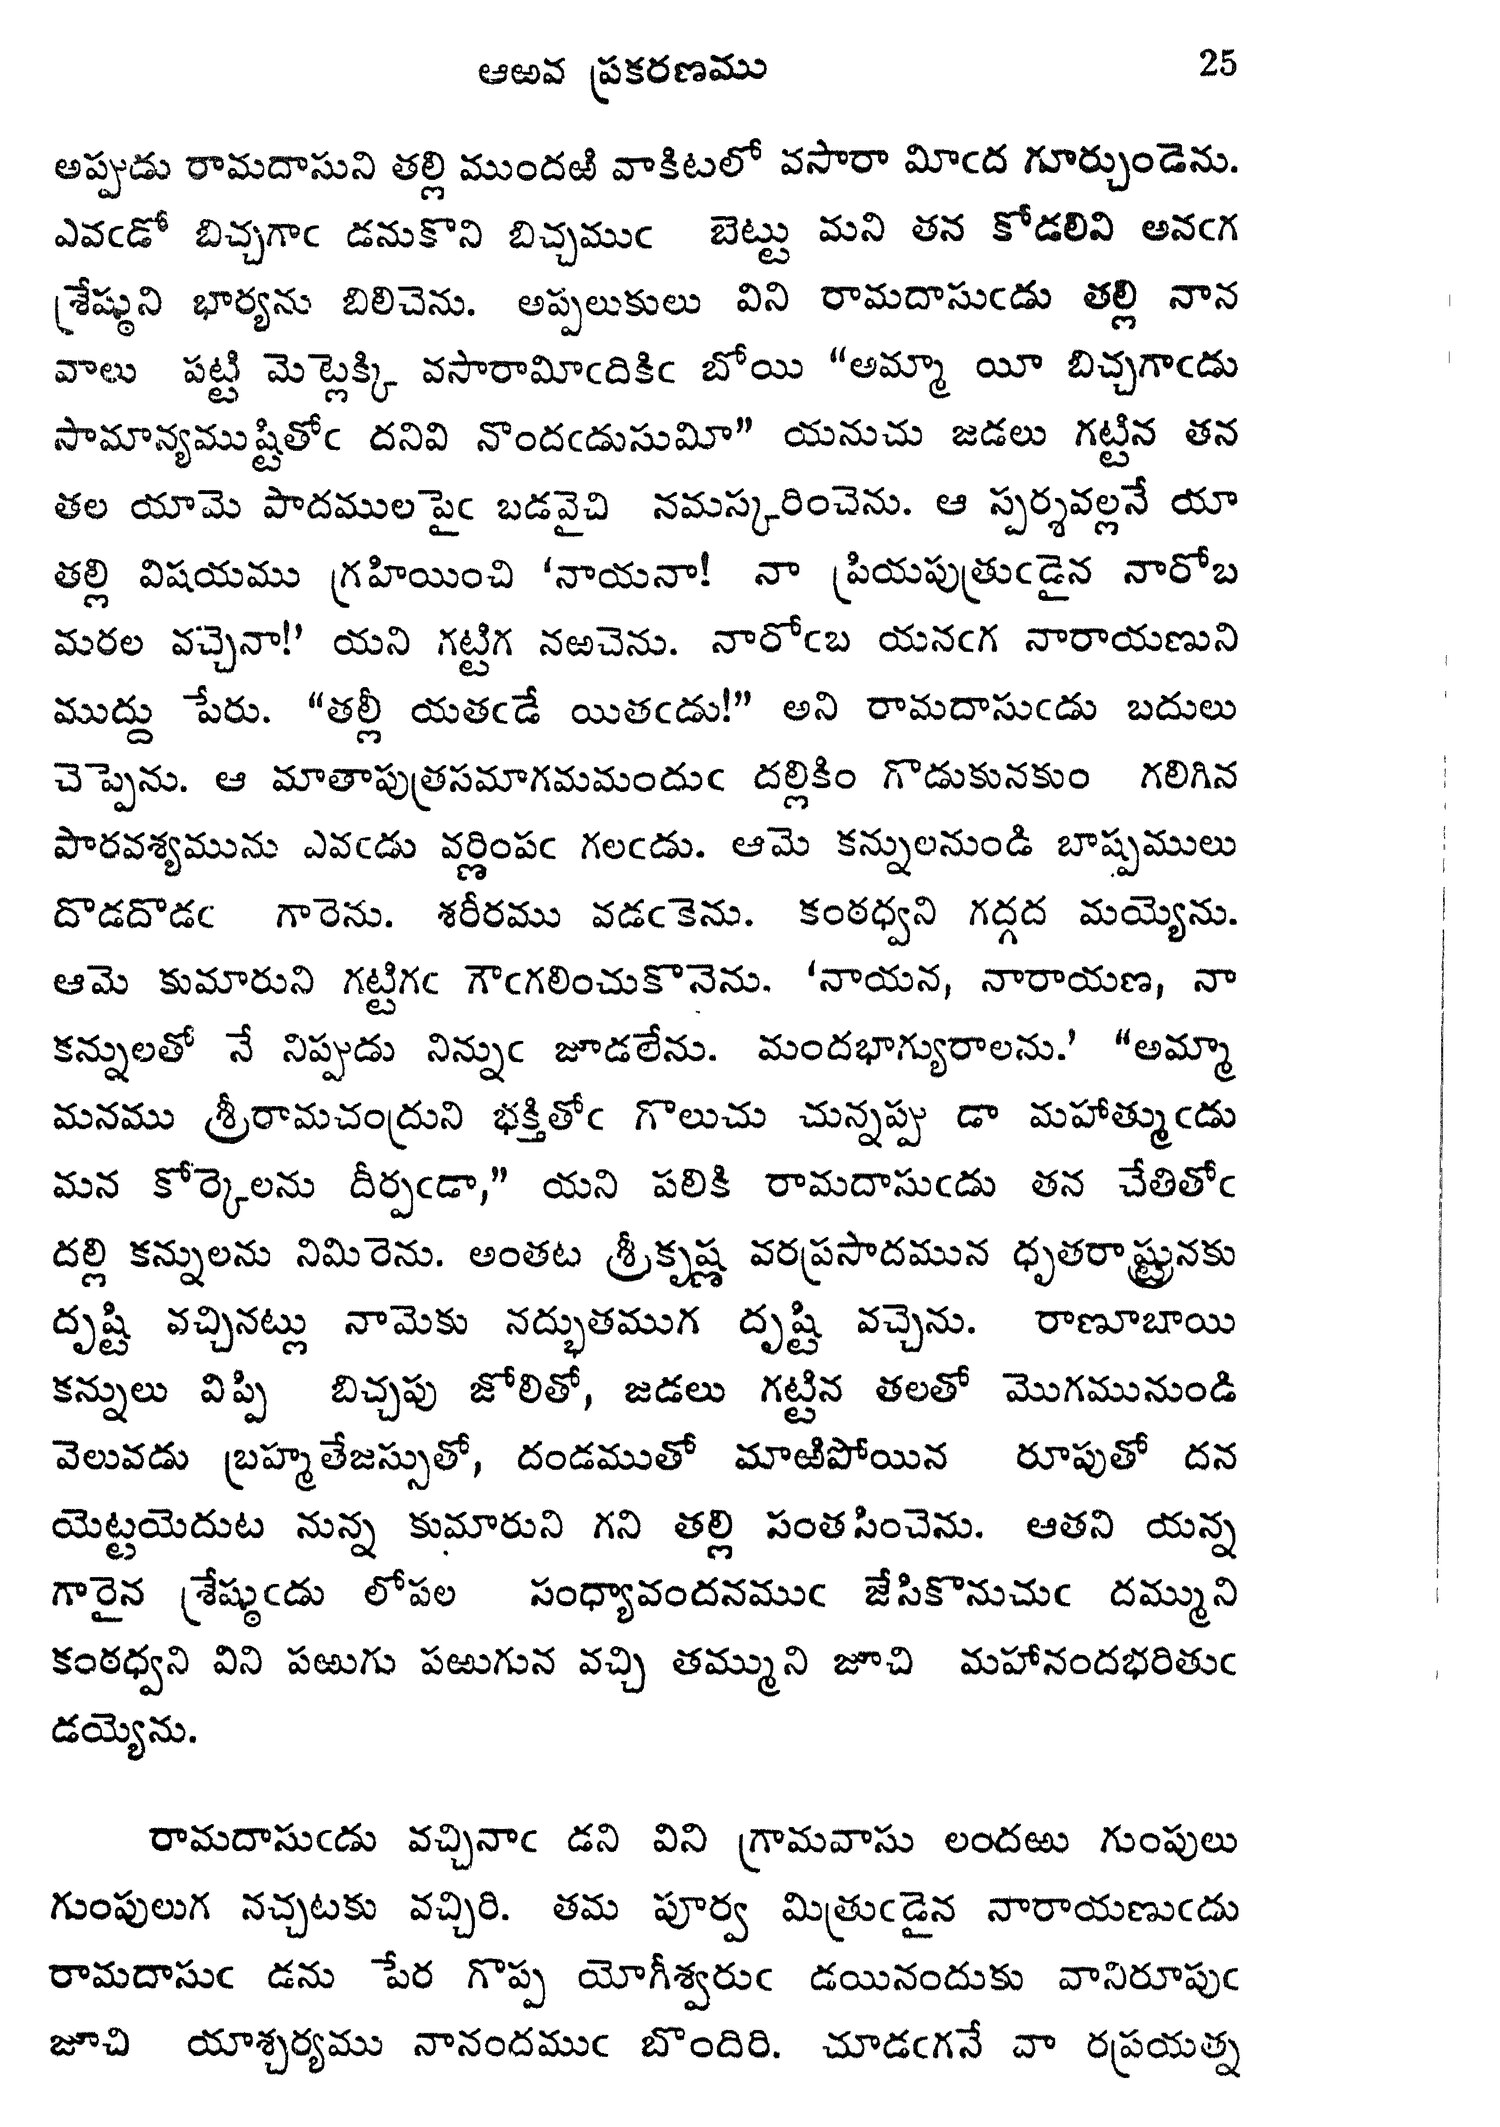అప్పుడు రామదాసుని తల్లి ముందఱి వాకిటలో వసారా మీద గుర్చుండెను. ఎవడో బిచ్చగా డనుకొని బిచ్చము బెట్టు మని తన కోడలిని అనగ శ్రేష్ఠుని భార్యను బిలిచెను. అప్పలుకులు విని రామదాసుడు తల్లి నానవాలు పట్టి మెట్లెక్కి వసారామీదికి బోయి "అమ్మా యీ బిచ్చగాడు సామాన్యముష్టితో దనివి నొందడుసుమీ" యనుచు జడలు గట్టిన తన తల యామె పాదములపై బడవైచి నమస్కరించెను. ఆ స్పర్శవల్లనే యా తల్లి విషయము గ్రహియించి 'నాయనా! నా ప్రియపుత్రుడైన నారోబ మరల వచ్చెనా!' యని గట్టిగ నఱచెను. నారోబ యనగ నారాయణుని ముద్దుపేరు. "తల్లీ యతడే యితడు!" అని రామదాసుడు బదులు చెప్పెను. ఆ మాతాపుత్రసమాగమమందు దల్లికిం గొడుకునకుం గలిగిన పారవశ్యమును ఎవడు వర్ణింప గలడు. ఆమె కన్నులనుండి బాష్పములు దొడదొడ గారెను. శరీరము వడకెను. కంఠధ్వని గద్గద మయ్యెను. ఆమె కుమారుని గట్టిగ గౌగలించుకొనెను. 'నాయన, నారాయణ, నా కన్నులతో నే నిప్పుడు నిన్ను జూడలేను. మందభాగ్యురాలను' "అమ్మా మనము శ్రీరామచంద్రుని భక్తితో గొలుచు చున్నప్పు డా మహాత్ముడు మన కోర్కెలను దీర్పడా," యని పలికి రామదాసుడు తన చేతితో దల్లి కన్నులను నిమిరెను. అంతట శ్రీకృష్ణ వరప్రసాదమున దృతరాష్ట్రునకు దృష్టి వచ్చినట్లు నామెకు నద్భుతముగ దృష్టి వచ్చెను. రాణూబాయి కన్నులు విప్పి బిచ్చపు జోలితో, జడలు గట్టిన తలతో మొగమునుండి వెలువడు బ్రహ్మతేజస్సుతో, దండముతో మాఱిపోయిన రూపుతో దన యెట్టయెదుట నున్న కుమారుని గని తల్లి సంతసించెను. ఆతని యన్నగారైన శ్రేష్ఠుడు లోపల సంధ్యావందనము జేసికొనుచు దమ్ముని కంఠధ్వని విని పఱుగున వచ్చి తమ్ముని జూచి మహానందభరితు డయ్యెను.

రామదాసుడు వచ్చినా డని విని గ్రామవాసు లందఱు గుంపులు గుంపులుగ నచ్చటకు వచ్చిరి. తమ పూర్వ మిత్రుడైన నారాయణుడు రామదాసు డను పేర గొప్ప యోగీశ్వరు డయినందుకు వానిరూపు జూచి యాశ్చర్యము నానందము బొందిరి. చూడగనే వా రప్రయత్న